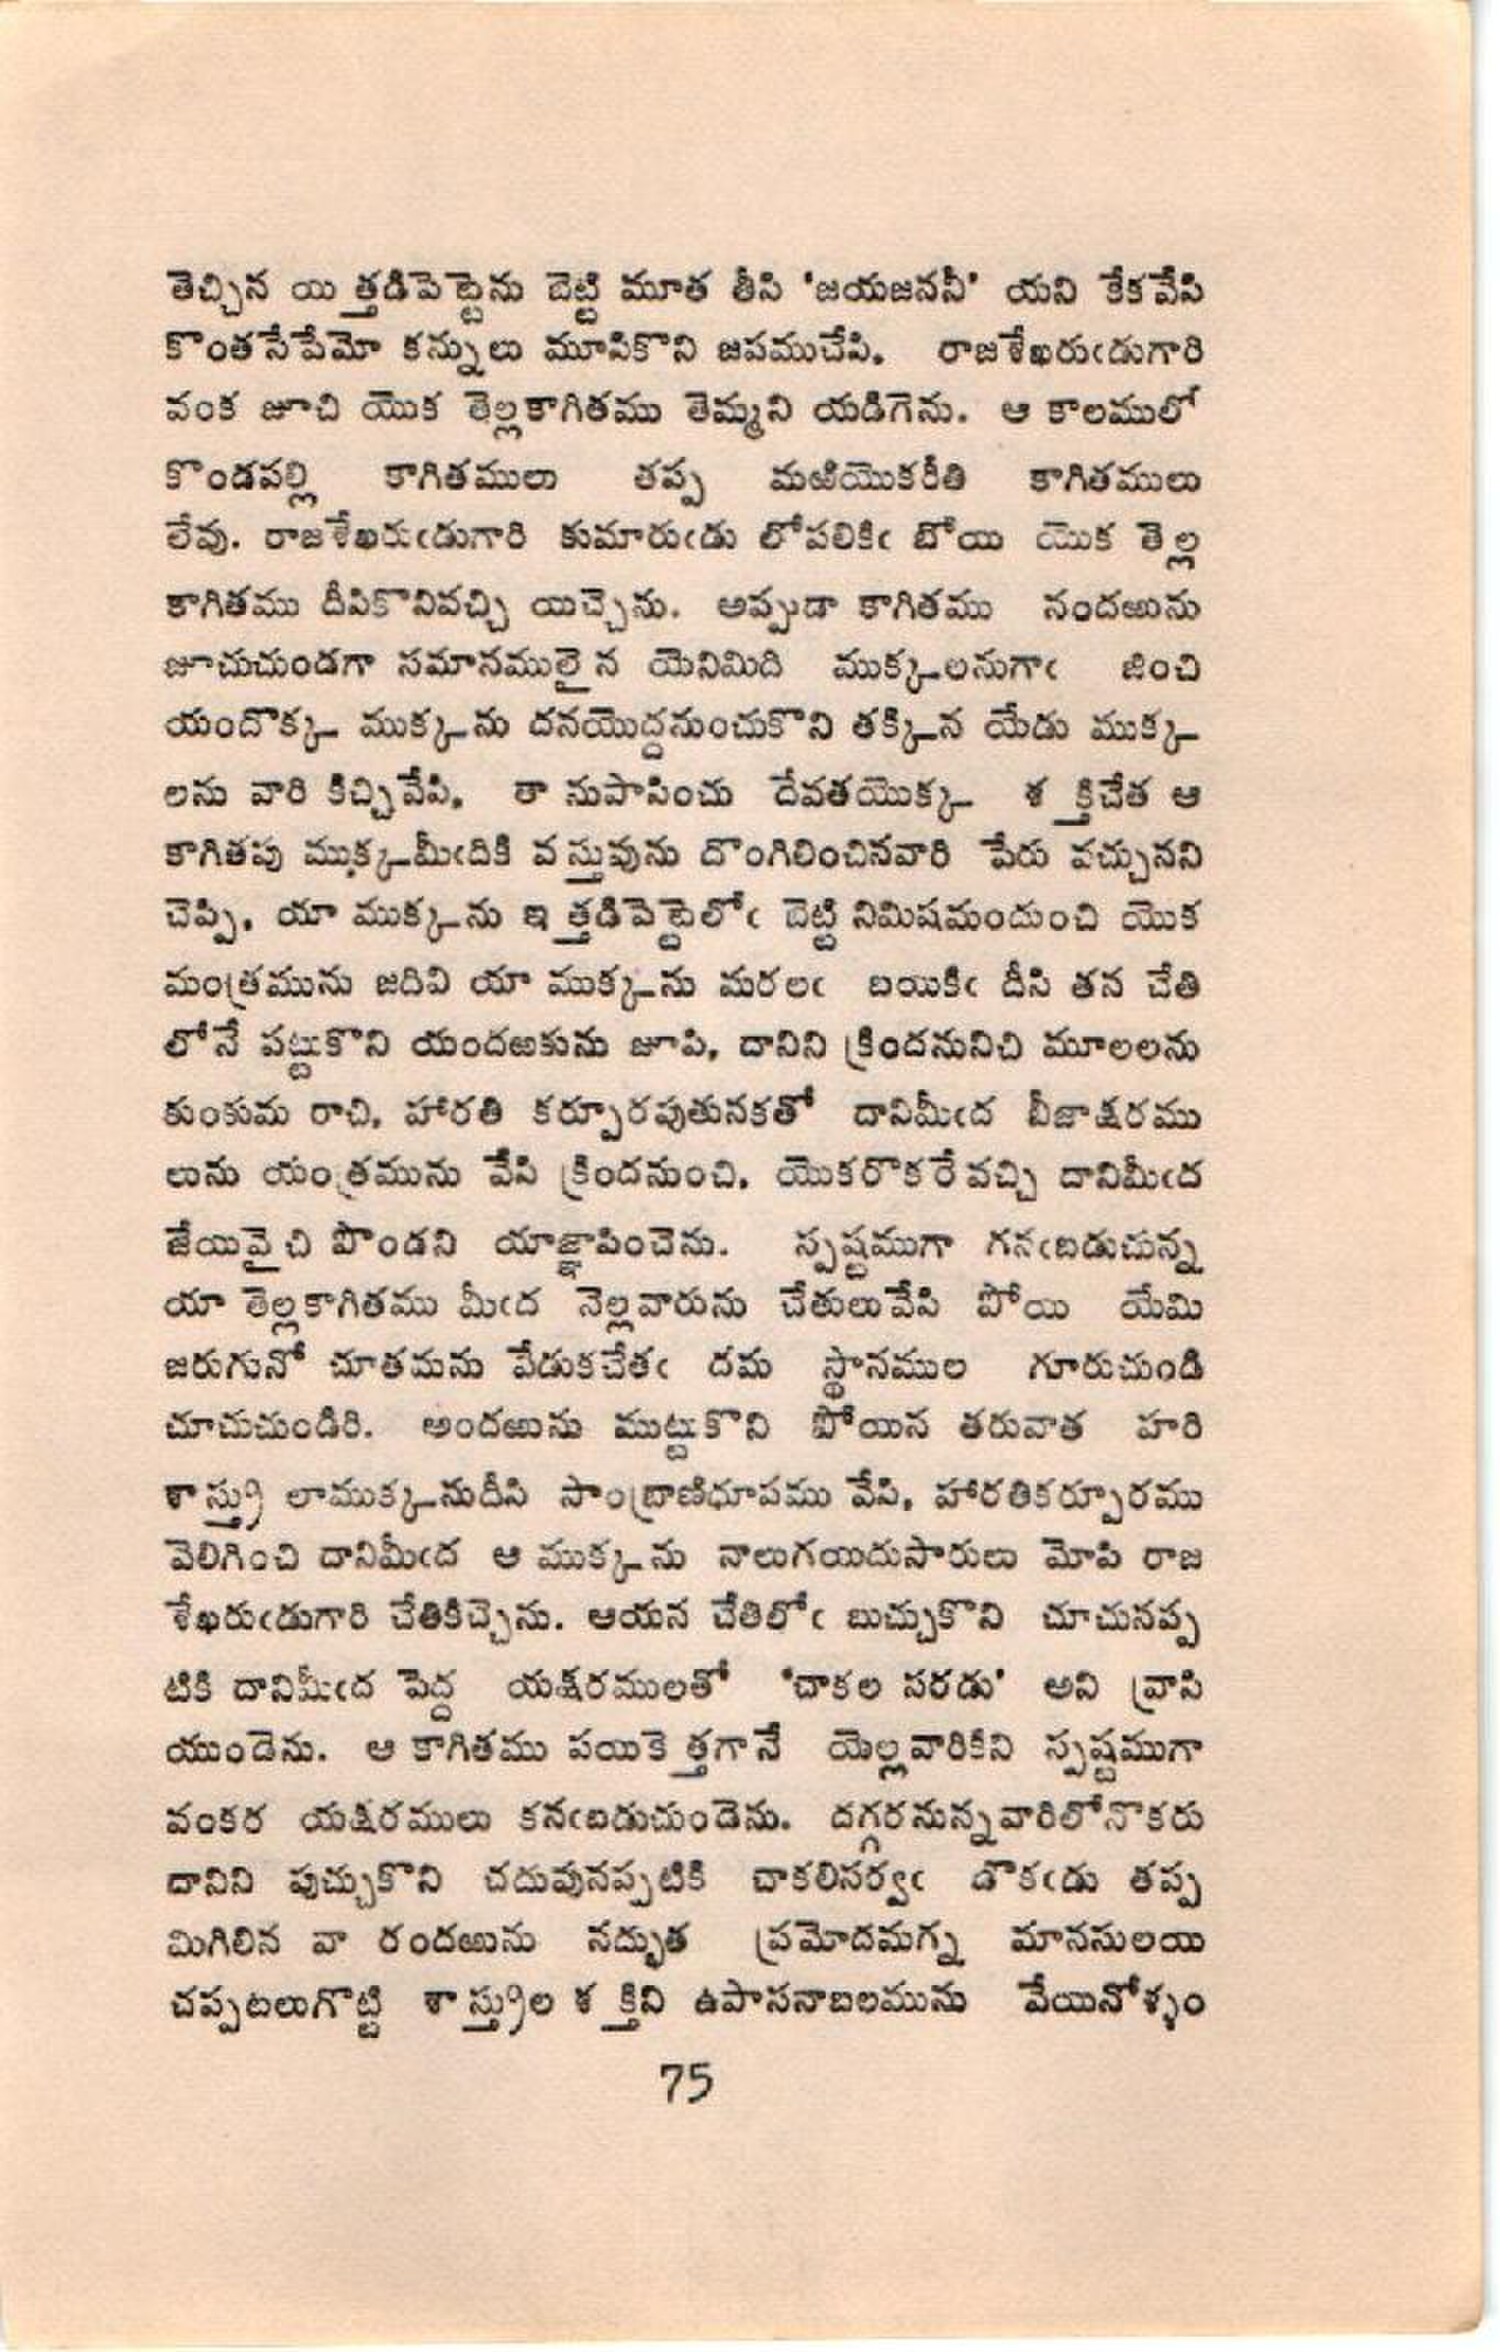తెచ్చిన యిత్తడిపెట్టెను బెట్టి మూత తీసి 'జయజననీ' యని కేకవేపి కొంతసేపేమో కన్నులు మూసికొని జపముచేసి, రాజశేఖరుఁడుగారి వంక జూచి యొక తెల్లకాగితము తెమ్మని యడిగెను. ఆ కాలములో కొండపల్లి కాగితములు తప్ప మఱియొకరీతి కాగితములు లేవు. రాజశేఖరుఁడుగారి కుమారుఁడు లోపలికిఁ బోయి యొక తెల్ల కాగితము దీసికొనివచ్చి యిచ్చెను. అప్పడా కాగితము నందఱును జూచుచుండగా సమానములైన యెనిమిది ముక్కలనుగాఁ జించి యందొక్క ముక్కను దనయొద్దనుంచుకొని తక్కిన యేడు ముక్కలను వారి కిచ్చివేసి, తా నుపాసించు దేవత యొక్క శక్తిచేత ఆ కాగితపు ముక్క-మీఁదికి వస్తువును దొంగిలించినవారి పేరు వచ్చునని చెప్పి, యా ముక్కను ఇత్తడిపెట్టెలోఁ బెట్టి నిమిషమందుంచి యొక మంత్రమును జదివి యా ముక్కను మరలఁ బయికిఁ దీసి తన చేతి లోనే పట్టుకొని యందఱకును జూపి, దానిని క్రిందనునిచి మూలలను కుంకుమ రాచి, హారతి కర్పూరపు తునకతో దానిమీఁద బీజాక్షరము లను యంత్రమును వేసి క్రిందనుంచి, యొకరొకరే వచ్చి దానిమీద జేయివైచి పొండని యాజ్ఞాపించెను. స్పష్టముగా గనఁబడుచున్న యా తెల్లకాగితము మీఁద నెల్లవారును చేతులు చేసి పోయు యేమి జరుగునో చూతమను వేడుకచేతఁ దమ స్థానముల గూరుచుండి చూచుచుండిరి. అందఱును ముట్టుకొని పోయిన తరువాత హరి శాస్త్రులాముక్కనుదీసి సాంబ్రాణిధూపము వేసి, హారతికర్పూరము వెలిగించి దానిమీఁద ఆ ముక్కను నాలుగయిదుసారులు మోపి రాజ శేఖరుఁడుగారి చేతికిచ్చెను. ఆయన చేతిలోఁ బుచ్చుకొని చూచునప్ప టికి దానిమీఁద పెద్ద యక్షరములతో 'చాకల సరడు" అని వ్రాసి యుండెను. ఆ కాగితము పయికెత్తగానే యెల్లవారికిని స్పష్టముగా వంకర యక్షరములు కనబడుచుండెను. దగ్గరనున్నవారిలోనొకరు దానిని పుచ్చుకొని చదువునప్పటికి చాకలిసర్వఁ డొకఁడు తప్ప మిగిలిన వా రందఱును నద్భుత ప్రమోదమగ్న మానసులయి చప్పటలుగొట్టి శాస్త్రుల శక్తిని ఉపాసనాబలమును వేయినోళ్ళం